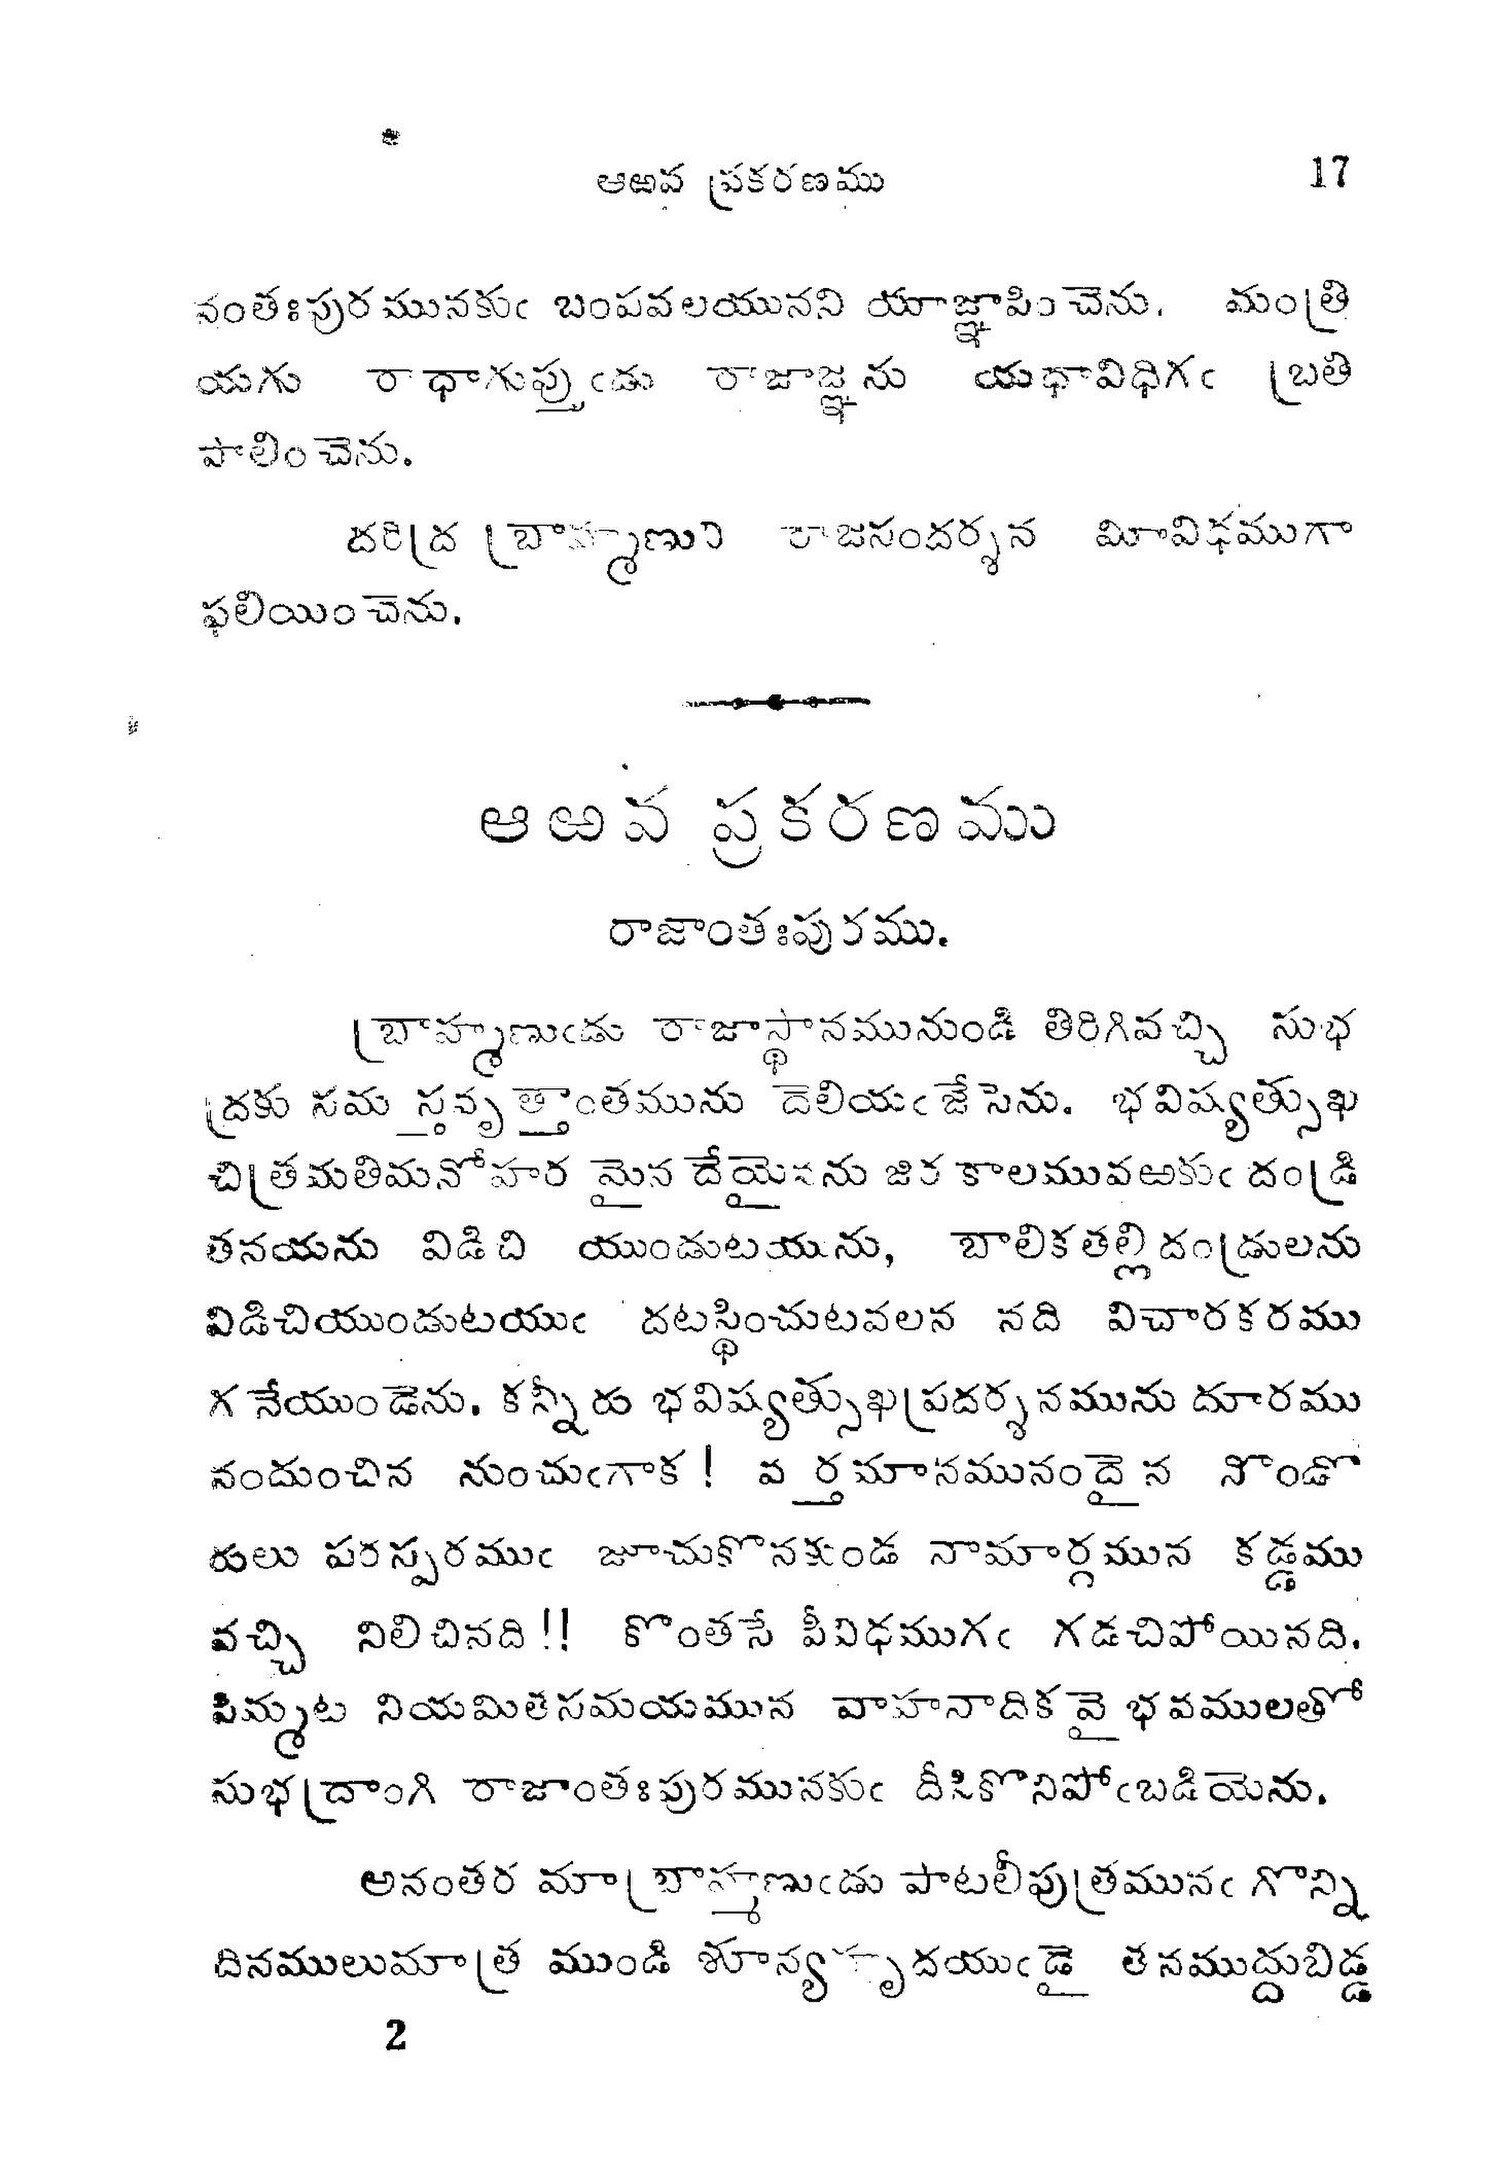నంతఃపురమునకుఁ బంపవలయునని యాజ్ఞాపించెను. మంత్రి
యగు రాధాగుప్తుఁడు రాజాజ్ఞను యధావిధిగఁ బ్రతి
పాలించెను.

దరిద్ర బ్రాహ్మణు, రాజసందర్శన మీవిధముగా
ఫలియించెను.

బ్రాహ్మణుఁడు రాజాస్థానమునుండి తిరిగివచ్చి సుభద్రకు సమస్త వృత్తాంతమును దెలియఁ జేసెను. భవిష్యత్సుఖ చిత్రమతిమనోహర మైన దేయైనను జిర కాలము వఱకుఁ దండ్రి తనయను విడిచి యుండుటయును, బాలిక తల్లిదండ్రులను విడిచియుండుటయుఁ దటస్థించుటవలన నది విచారకరము
గ నేయుం డెను. కన్నీరు భవిష్యత్సుఖ ప్రదర్శనమును దూరము నందుంచిన నుంచుఁగాక ! వ
వర్తమానమునందైన నొండొరులు పరస్పరముఁ జూచుకొనకుండ నామార్గమున కడ్డము వచ్చి నిలిచినది !! కొంత సే పీవిధముగఁ గడచిపోయినది. పిమ్మట నియమిత సమయమున వాహనాదిక వైభవములతో సుభద్రాంగి రాజాంతఃపురమునకుఁ దీసికొనిపోఁబడియెను.

అనంతర మా బ్రాహణుఁడు పాటలీపుత్రమునఁ గొన్ని దినములుమాత్ర ముండి శూన్య హ్రుదయుఁడై తన ముద్దుబిడ్డ